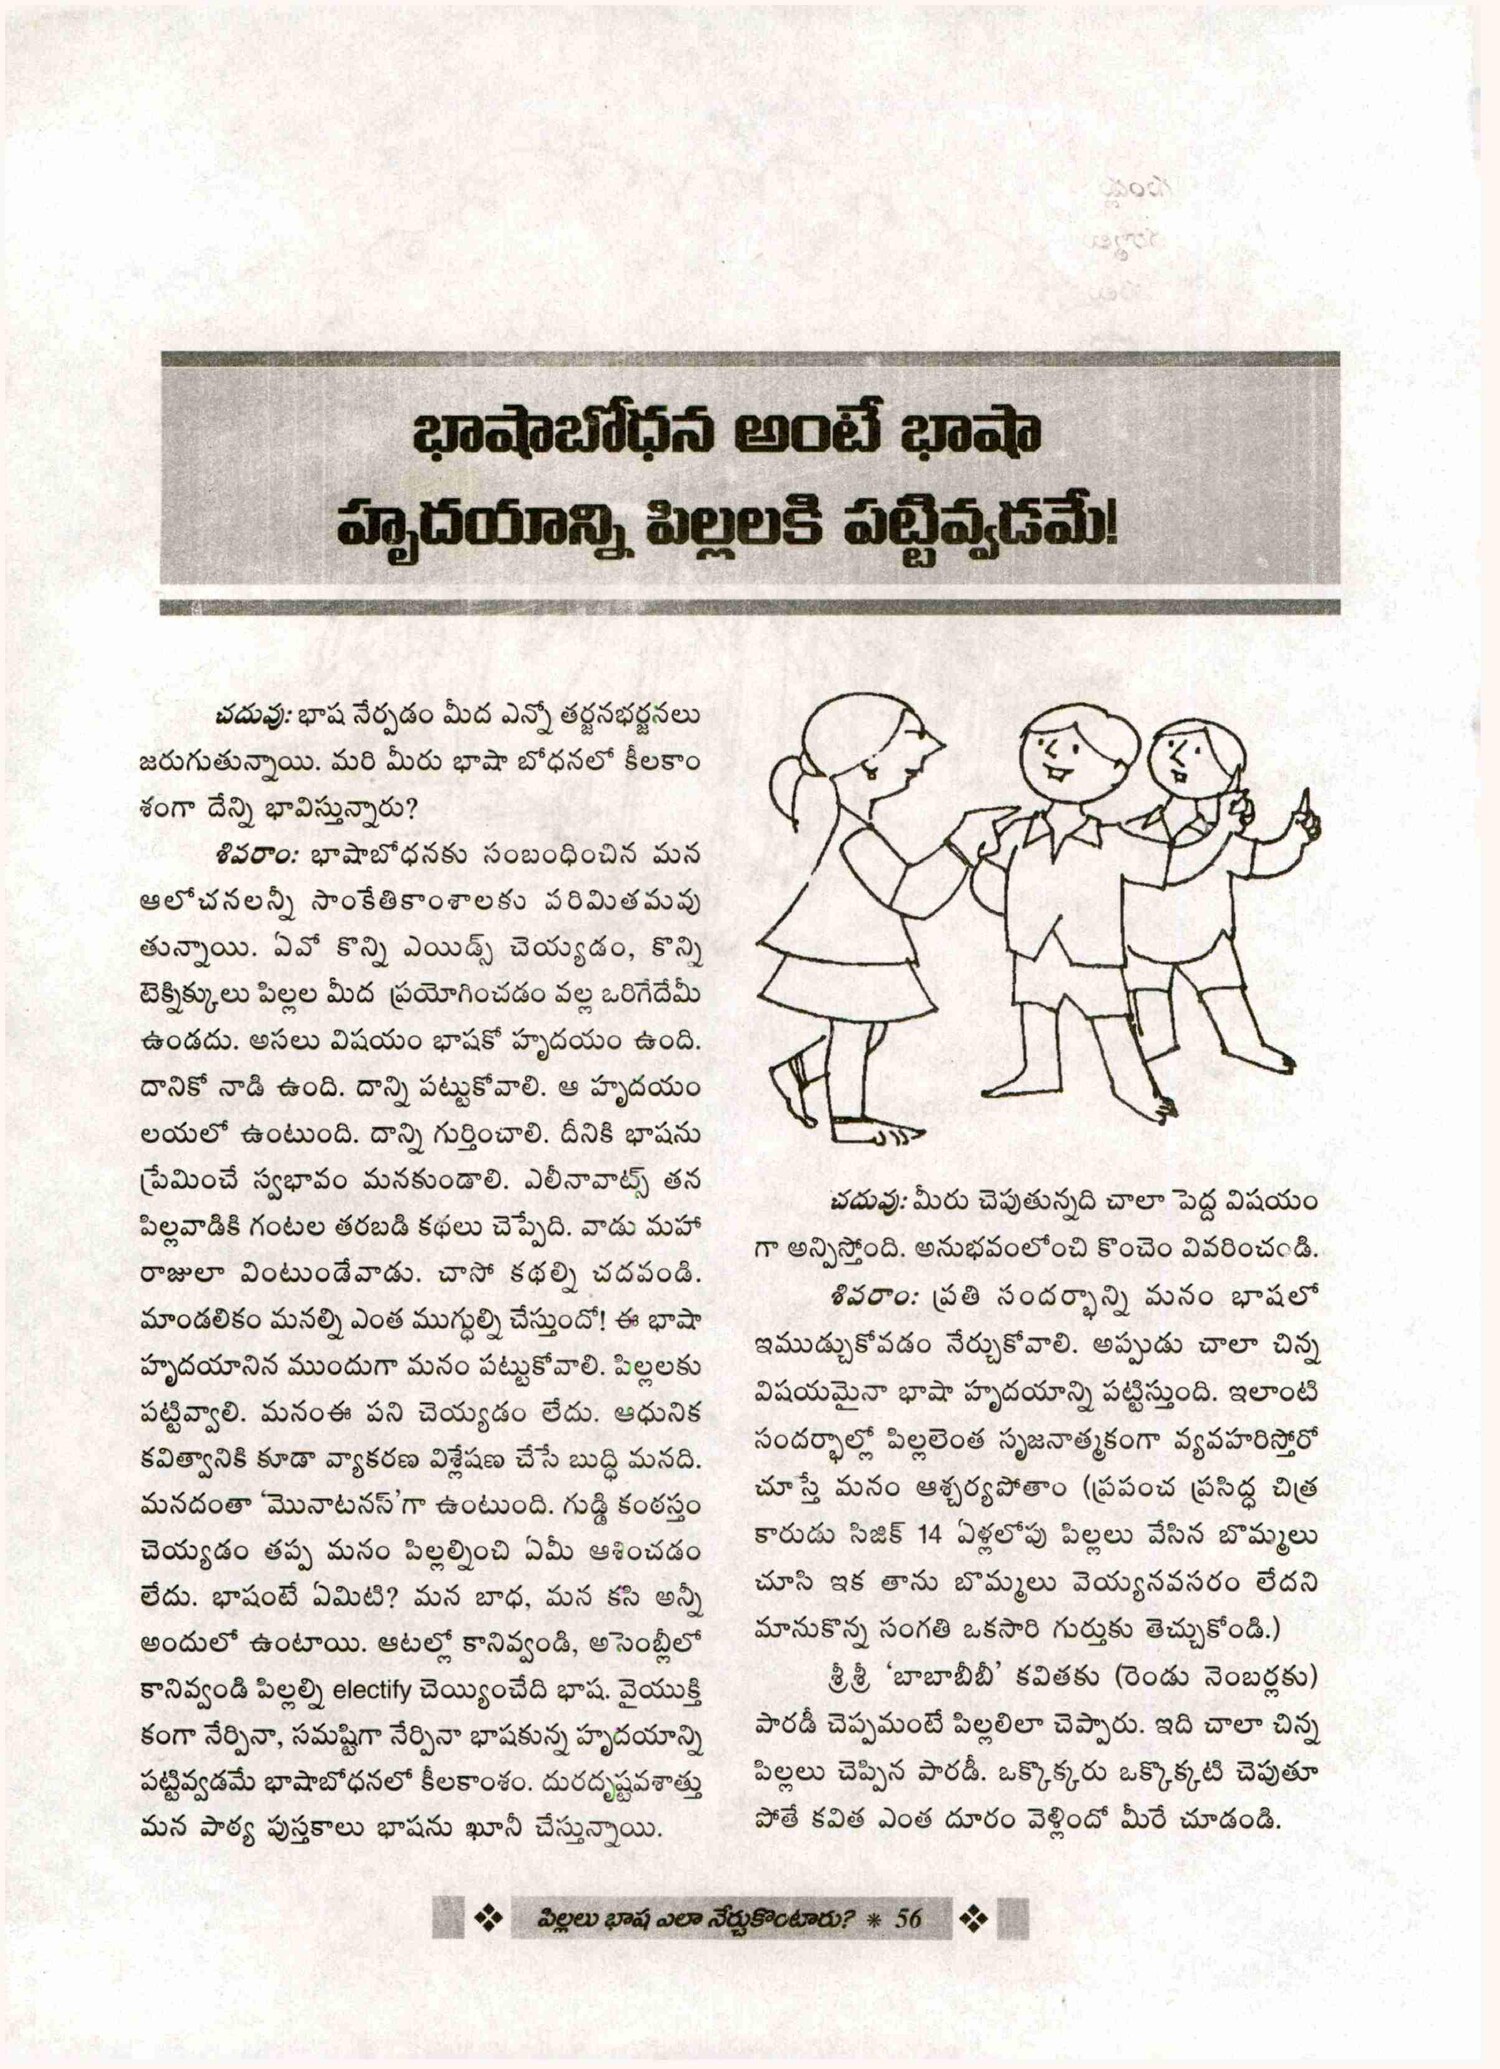భాషాబోధన అంటే భాషా
హృదయాన్ని పిల్లలకి పట్టివ్వడమే!

చదువు: భాష నేర్పడం మీద ఎన్నో తర్జనభర్జనలు జరుగుతున్నాయి. మరి మీరు భాషా బోధనలో కీలకాంశంగా దేన్ని భావిస్తున్నారు?

శివరాం: భాషాబోధనకు సంబంధించిన మన ఆలోచనలన్నీ సాంకేతికాంశాలకు పరిమితమవుతున్నాయి. ఏవో కొన్ని ఎయిడ్స్ చెయ్యడం, కొన్ని టెక్నిక్కులు పిల్లల మీద ప్రయోగించడం వల్ల ఒరిగేదేమీ ఉండదు. అసలు విషయం భాషకో హృదయం ఉంది. దానికో నాడి ఉంది. దాన్ని పట్టుకోవాలి. ఆ హృదయం లయలో ఉంటుంది. దాన్ని గుర్తించాలి. దీనికి భాషను ప్రేమించే స్వభావం మనకుండాలి. ఎలీనావాట్స్ తన పిల్లవాడికి గంటల తరబడి కథలు చెప్పేది. వాడు మహారాజులా వింటుండేవాడు. చాసో కథల్ని చదవండి. మాండలికం మనల్ని ఎంత ముగ్ధుల్ని చేస్తుందో! ఈ భాషా హృదయానిన ముందుగా మనం పట్టుకోవాలి. పిల్లలకు పట్టివ్వాలి. మనంఈ పని చెయ్యడం లేదు. ఆధునిక
కవిత్వానికి కూడా వ్యాకరణ విశ్లేషణ చేసే బుద్ధి మనది. మనదంతా 'మొనాటనస్'గా ఉంటుంది. గుడ్డి కంఠస్తం
చెయ్యడం తప్ప మనం పిల్లల్నించి ఏమీ ఆశించడం లేదు. భాషంటే ఏమిటి? మన బాధ, మన కసి అన్నీ అందులో ఉంటాయి. ఆటల్లో కానివ్వండి, అసెంబ్లీలో కానివ్వండి పిల్లల్ని electify చెయ్యించేది భాష. వైయుక్తికంగా నేర్పినా, సమష్టిగా నేర్పినా భాషకున్న హృదయాన్ని పట్టివ్వడమే భాషాబోధనలో కీలకాంశం. దురదృష్టవశాత్తు మన పాఠ్య పుస్తకాలు భాషను ఖూనీ చేస్తున్నాయి.

చదువు: మీరు చెపుతున్నది చాలా పెద్ద విషయం గా అన్పిస్తోంది. అనుభవంలోంచి కొంచెం వివరించండి.

శివరాం: ప్రతి సందర్భాన్ని మనం భాషలో ఇముడ్చుకోవడం నేర్చుకోవాలి. అప్పుడు చాలా చిన్న విషయమైనా భాషా హృదయాన్ని పట్టిస్తుంది. ఇలాంటి సందర్భాల్లో పిల్లలెంత సృజనాత్మకంగా వ్యవహరిస్తోరో చూస్తే మనం ఆశ్చర్యపోతాం (ప్రపంచ ప్రసిద్ధ చిత్రకారుడు సిజిక్ 14 ఏళ్లలోపు పిల్లలు వేసిన బొమ్మలు చూసి ఇక తాను బొమ్మలు వెయ్యనవసరం లేదని మానుకొన్న సంగతి ఒకసారి గుర్తుకు తెచ్చుకోండి.)

శ్రీశ్రీ 'బాబాబీబీ' కవితకు (రెండు నెంబర్లకు) పారడీ చెప్పమంటే పిల్లలిలా చెప్పారు. ఇది చాలా చిన్నపిల్లలు చెప్పిన పారడీ. ఒక్కొక్కరు ఒక్కొక్కటి చెపుతూ పోతే కవిత ఎంత దూరం వెళ్లిందో మీరే చూడండి.